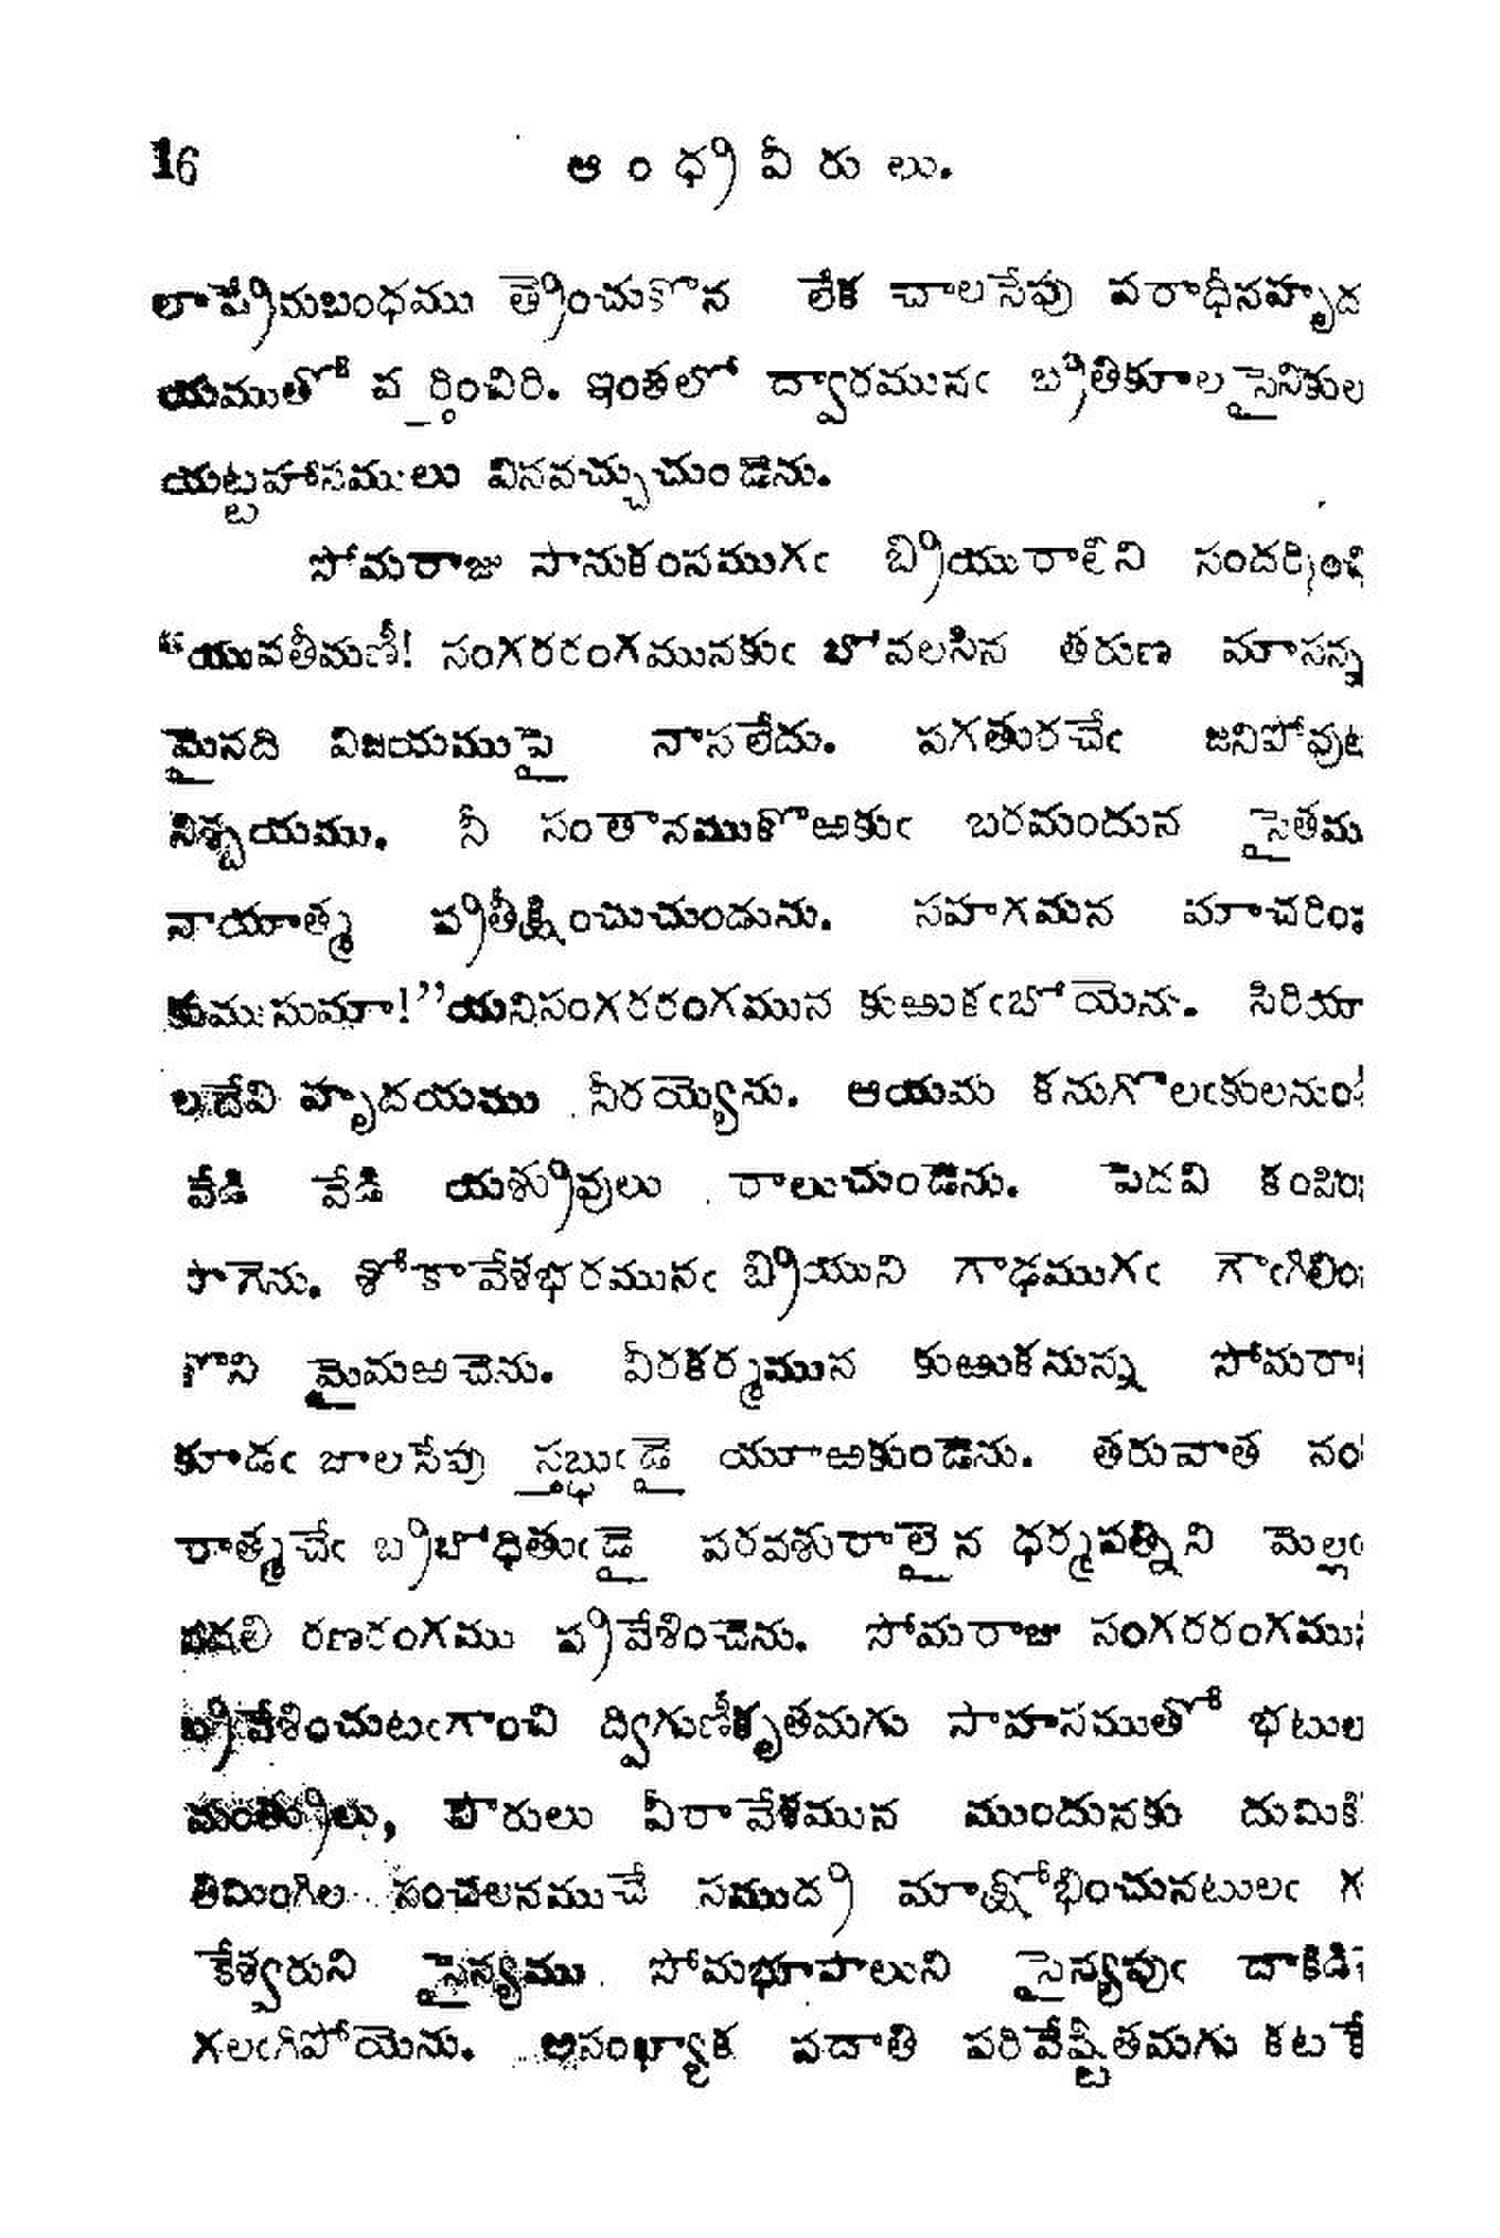లాప్రేమబంధము త్రెంచుకొన లేక చాలసేపు పరాధీనహృదయముతో వర్తించిరి. ఇంతలో ద్వారమున బ్రతికూలసైనికుల యట్టహాసములు వినవచ్చుచుండెను.

సోమరాజు సానకంపముగ బ్రియురాలిని సందర్శించి "యువతీమణీ! సంగరరంగమునకు బోవలసిన తరుణ మాసన్నమైనది విజయముపై నాసలేదు. పగతురచే జనిపోవుట నిశ్చయము. నీ సంతానము కొఱకు బరమందున సైతము నాయాత్మ ప్రతీక్షించుచుండును. సహగమన మాచరింపకుము సుమా!" యని సంగరరంగమున కుఱుకబోయెను. సిరియాలదేవి హృదయము నీరయ్యెను. ఆయమ్మ కనుగొలకులనుండి వేడి వేడి యశ్రువులు రాలుచుండెను. పెదవి కంపింపసాగెను. శోకావేశభరమున బ్రియుని గాడముగ గౌగిలించుకొని మైమఱచెను. వీరకర్మమున కుఱుకనున్న సోమరాజు కూడ జాలసేపు స్తబ్ధుడై యూఱకుండెను. తరువాత నంతరాత్మచే బ్రబోధితుడై పరవశురాలైన ధర్మపత్నిని మెల్లంగ వదలి రణరంగము ప్రవేశించెను. సోమరాజు సంగరరంగమున బ్రవేశించుటగాంచి ద్విగుణీకృతమగు సాహసముతో భటులు, మంత్రులు, పౌరులు వీరావేశమున ముందునకు దుమికిరి. తిమింగిల సంచలనముచే సముద్ర మాక్షోభించునటుల గటకేశ్వరుని సైన్యము సోమభూపాలుని సైన్యపు దాకిడికి గలగిపోయెను. అసంఖ్యాక పదాతి పరివేష్టితమగు కటకే